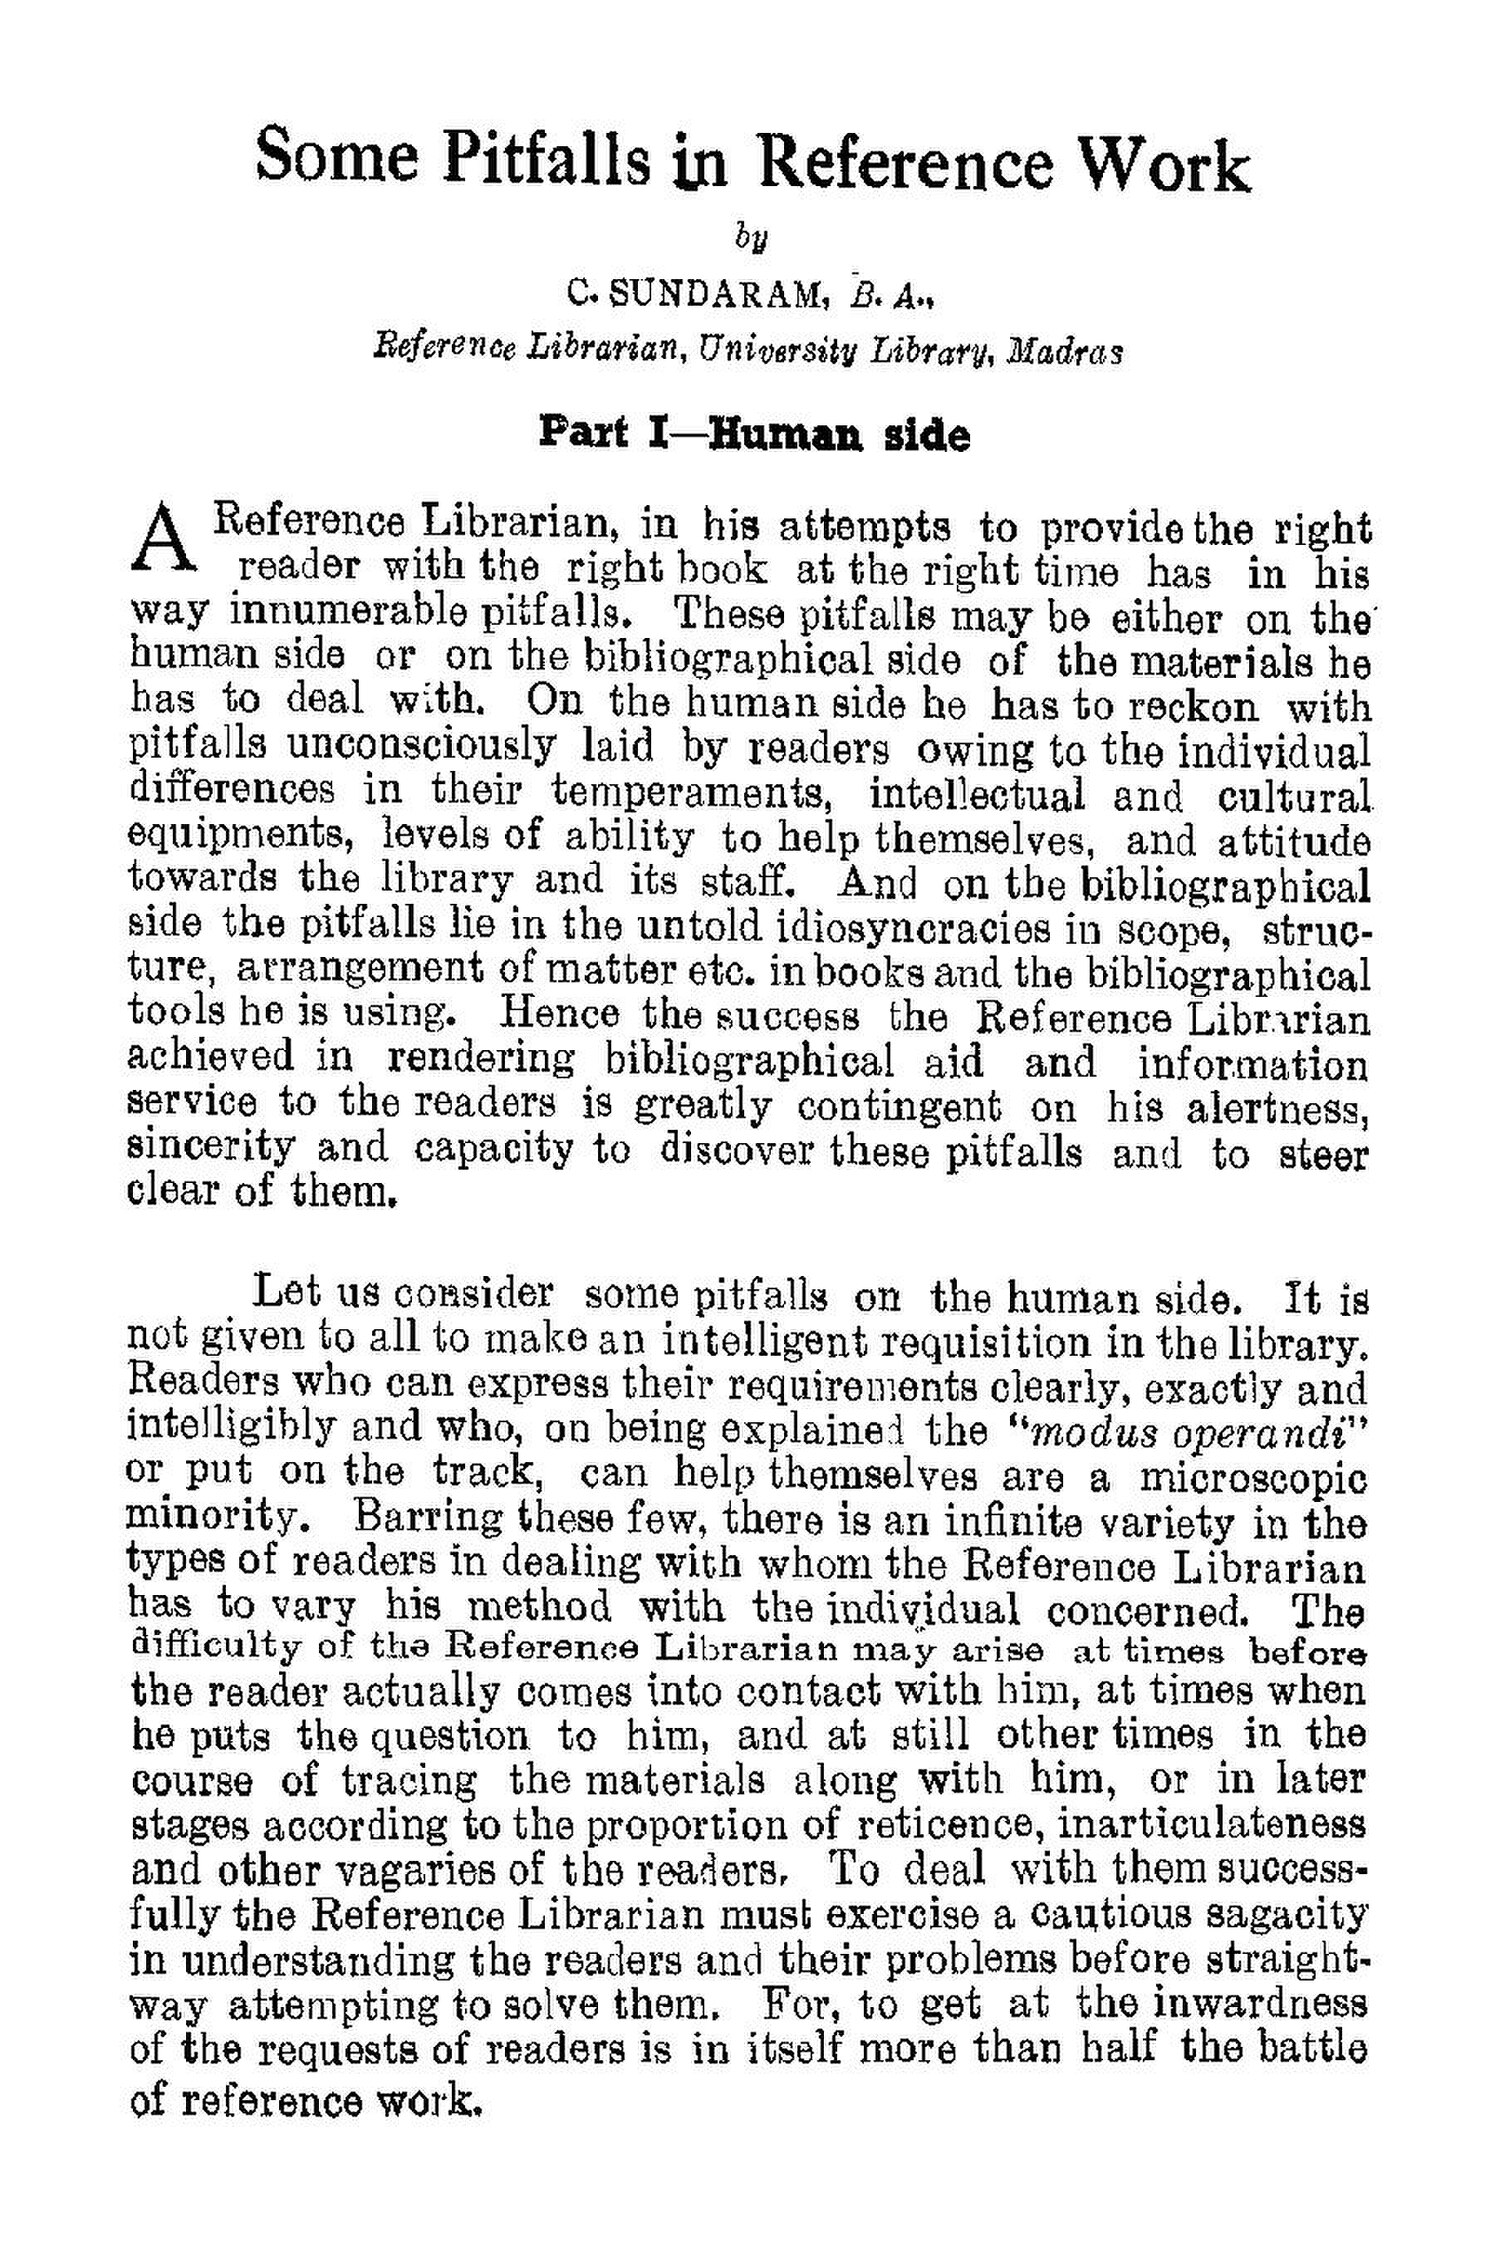A Reference Librarian, in his attempts to provide the right reader with the right book at the right time 
has in his way innumerable pitfalls. These pitfalls may be either on the human side or on the 
bibliographical side of the materials he has to deal with. On the human side he has to reckon with
pitfalls unconsciously laid by readers owing to the individual differences in their temperaments, 
intellectual and cultural equipment's, levels of ability to help themselves, and attitude towards 
the library and its staff. And on the bibliographical side the pitfalls lie in the untold 
idiosyncrasies in scope, structure, arrangement of matter etc. in books and the bibliographical
tools he is using. Hence the success the Reference Librarian achieved in rendering bibliographical
aid and information service to the readers is greatly contingent on his alertness, sincerity and 
capacity to discover these pitfalls and to steer clear of them.

Let us consider some pitfalls on the human side. It is not given to all to make an intelligent 
requisition in the library. Readers who can express their requirements clearly, exactly and
intelligibly and who, on being explained the "modus operandi" or put on the track, can help 
themselves are a microscopic minority. Barring these few, there is an infinite variety in the
types of readers in dealing with whom the Reference Librarian has to vary his method with the 
individual concerned. The difficulty of the Reference Librarian may arise at times before the 
reader actually comes into contact with him, at times when he puts the question to him, and at 
still other times in the course of tracing the materials along with him, or in later stages 
according to the proportion of reticence, inarticulateness and other vagaries of the readers. 
To deal with them successfully the Reference Librarian must exercise a cautious sagacity in 
understanding the readers and their problems before straightway attempting to solve them. For, 
to get at the inwardness of the requests of readers is in itself more than half the battle
of reference work.